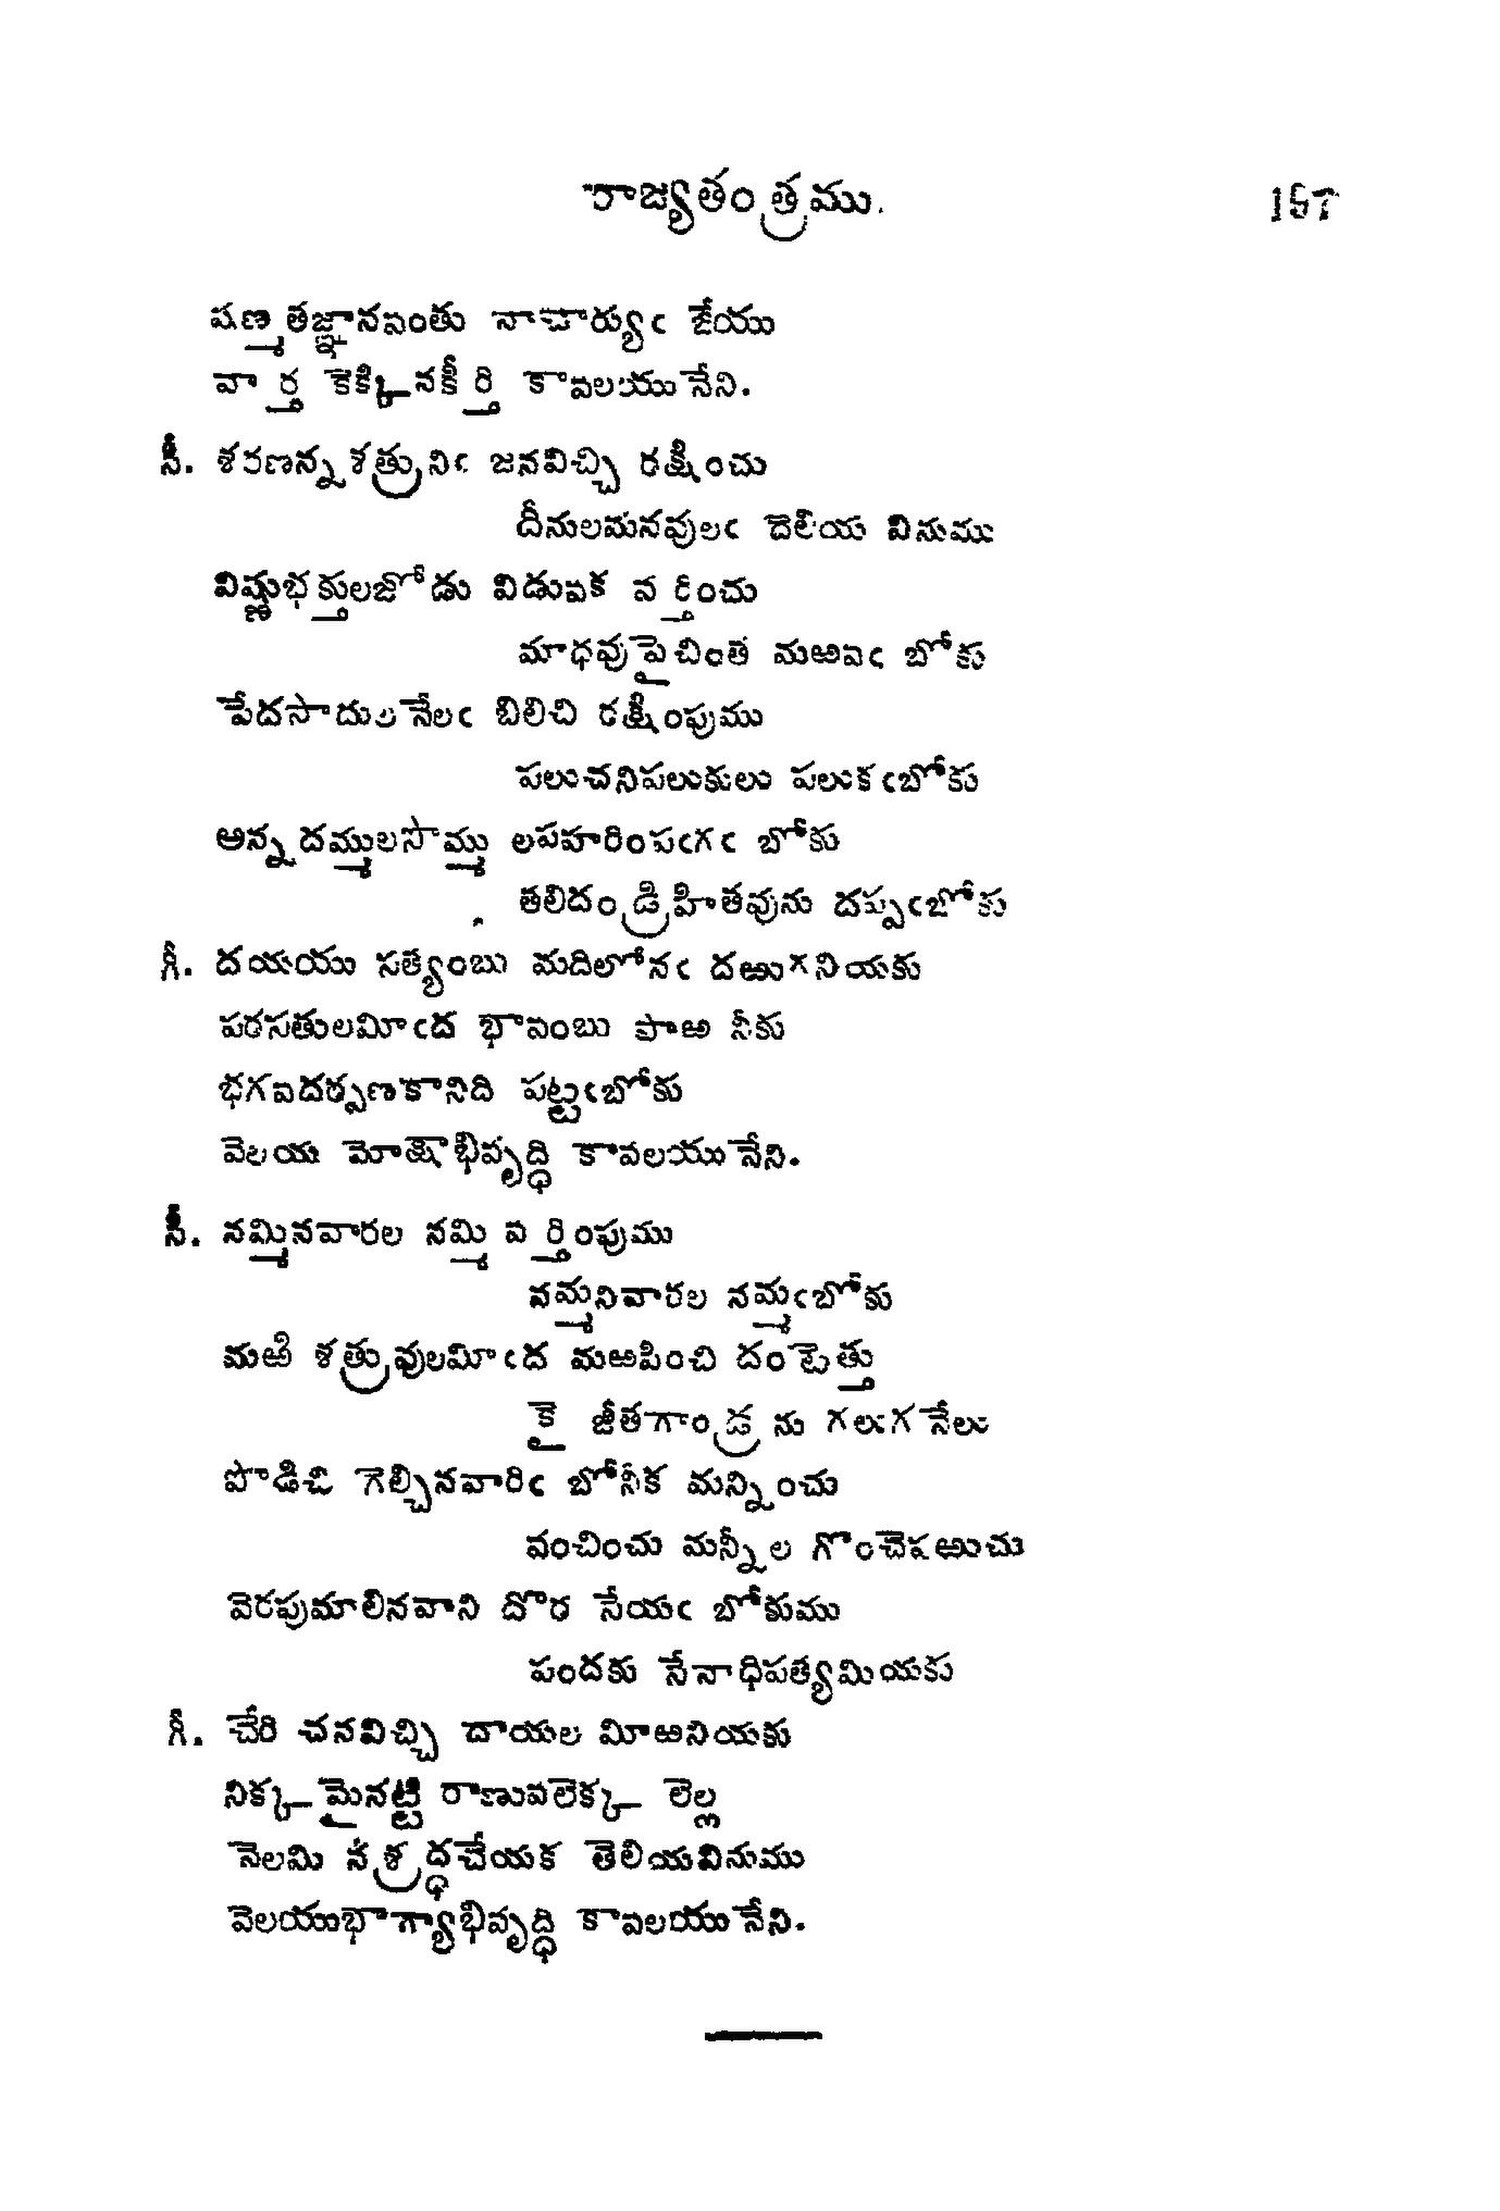షణ్మతజ్ఞానవంతు నాచార్యుఁ జేయు
 వార్త కెక్కనికీర్తి కావలయునేని.
సీ. శరణన్నశత్రునిఁ జనవిచ్చి రక్షించు
 దీనులమనవులఁ దెలియ వినుము
 విష్ణుభక్తులజోడు విడువక వర్తించు
 మాధవుపైచింత మఱవఁబోకు
 పేదసాదులనేలఁ బిలిచి రక్షింపుము
 పలుచనిపలుకులు పలుకఁబోకు
 అన్నదమ్ములసొమ్ము లపహరింపఁగఁ బోకు
 తలిదండ్రిహితవును దప్పఁబోకు
గీ. దయయు సత్యంబు మదిలోనఁ దఱుగనియకు
 పరసతులమీఁద భావంబు పాఱ నీకు
 భగవదర్పణ కానిది పట్టఁబోకు
 నెలయ మోక్షాభివృద్ధి కావలయునేని.
సీ. నమ్మినవారల నమ్మి వర్తింపుము
 నమ్మనివారల నమ్మఁబోకు
 మఱి శత్రువులమీఁద మఱపించి దండెత్తు
 కైజీతగాండ్రను గలుగనేలు
 పొడిచి గెల్చినవారిఁ బోనీక మన్నించు
 వంచించు మన్నీల గొంచెపఱచు
 వెరపుమాలినవాని దొర సేయఁ బోకుము
 పందకు సేనాధిపత్య మియకు
గీ. చేరి చనవిచ్చి దాయల మీఱనియకు
 నిక్కమైనట్టి రాణువలెక్క లెల్ల
 నెలమి నశ్రద్ధ చేయక తెలియవినుము
 వెలయు భాగ్యాభివృద్ధి కావలయునేని.